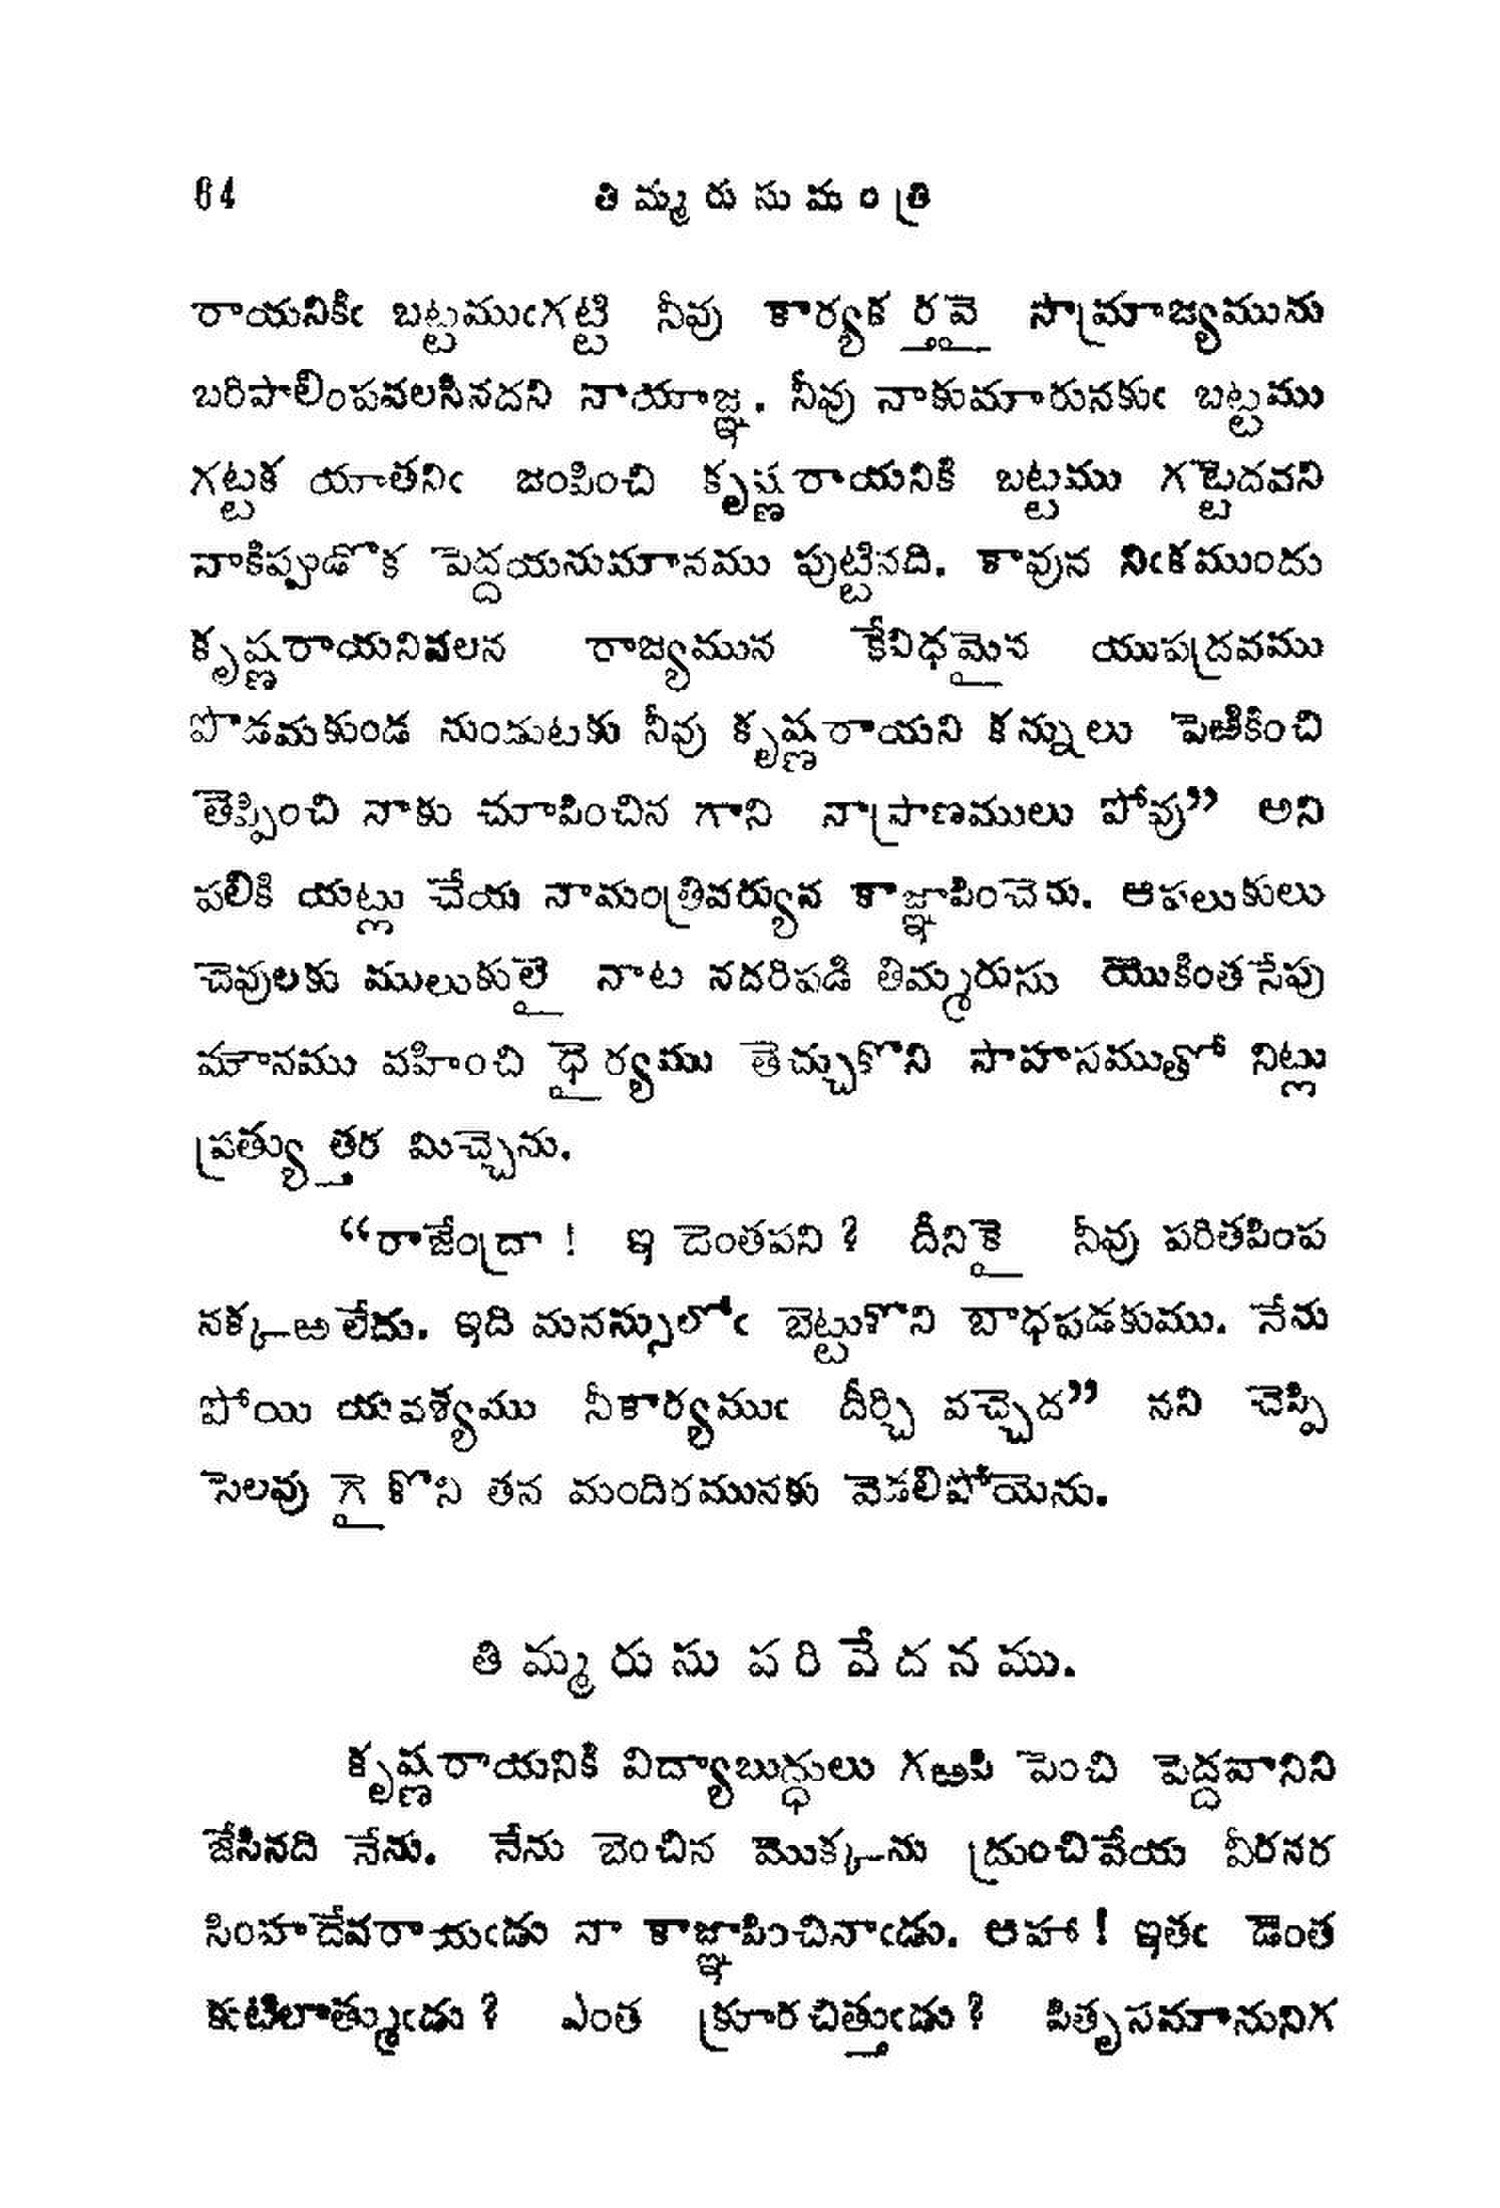రాయనికిఁ బట్టముఁగట్టి నీవు కార్యకర్తవై సామ్రాజ్యమును బరిపాలింపవలసినదని నాయజ్ఞ. నీవు నాకుమారునకుఁ బట్టము గట్టక యాతనిఁ జంపించి కృష్ణరాయనికి బట్టము గట్టెదవని
నాకిప్పుడొక పెద్దయనుమానము పుట్టినది. కావున నిఁకముందు కృష్ణరాయనివలన రాజ్యమున కేవిధమైన యుపద్రవము పొడమకుండ నుండుటకు నీవు కృష్ణరాయని కన్నులు పెఱికించి తెప్పించి నాకు చూపించిన గాని నాప్రాణములు పోవు” అని పలికి యట్లు చేయ నామంత్రివర్యున కాజ్ఞాపించెను. ఆపలుకులు చెవులకు ములుకులై నాట నదరిపడి తిమ్మరుసు యొకింతసేపు మౌనము వహించి ధైర్యము తెచ్చుకొని సాహసముతో నిట్లు ప్రత్యుత్తర మిచ్చెను.

“రాజేంద్రా ! ఇ దెంతపని ? దీనికై నీవు పరితపింప నక్కఱలేదు. ఇది మనస్సులోఁ బెట్టుకొని బాధపడకుము. నేనుపోయి యవశ్యము నీకార్యముఁ దీర్చి వచ్చెద" నని చెప్పి సెలవు గైకొని తన మందిరమునకు వెడలిపోయెను.

తిమ్మరుసు పరివేదనము. 

కృష్ణరాయనికి విద్యాబుద్ధులు గఱపి పెంచి పెద్దవానిని జేసినది నేను. నేను బెంచిన మొక్కను ద్రుంచివేయ వీరసరసింహదేవరాయఁడు నా కాజ్ఞాపించినాఁడు. ఆహా ! ఇతఁ డెంత కుటిలాత్ముఁడు? ఎంత క్రూరచిత్తుఁడు? పితృసమానునిగ